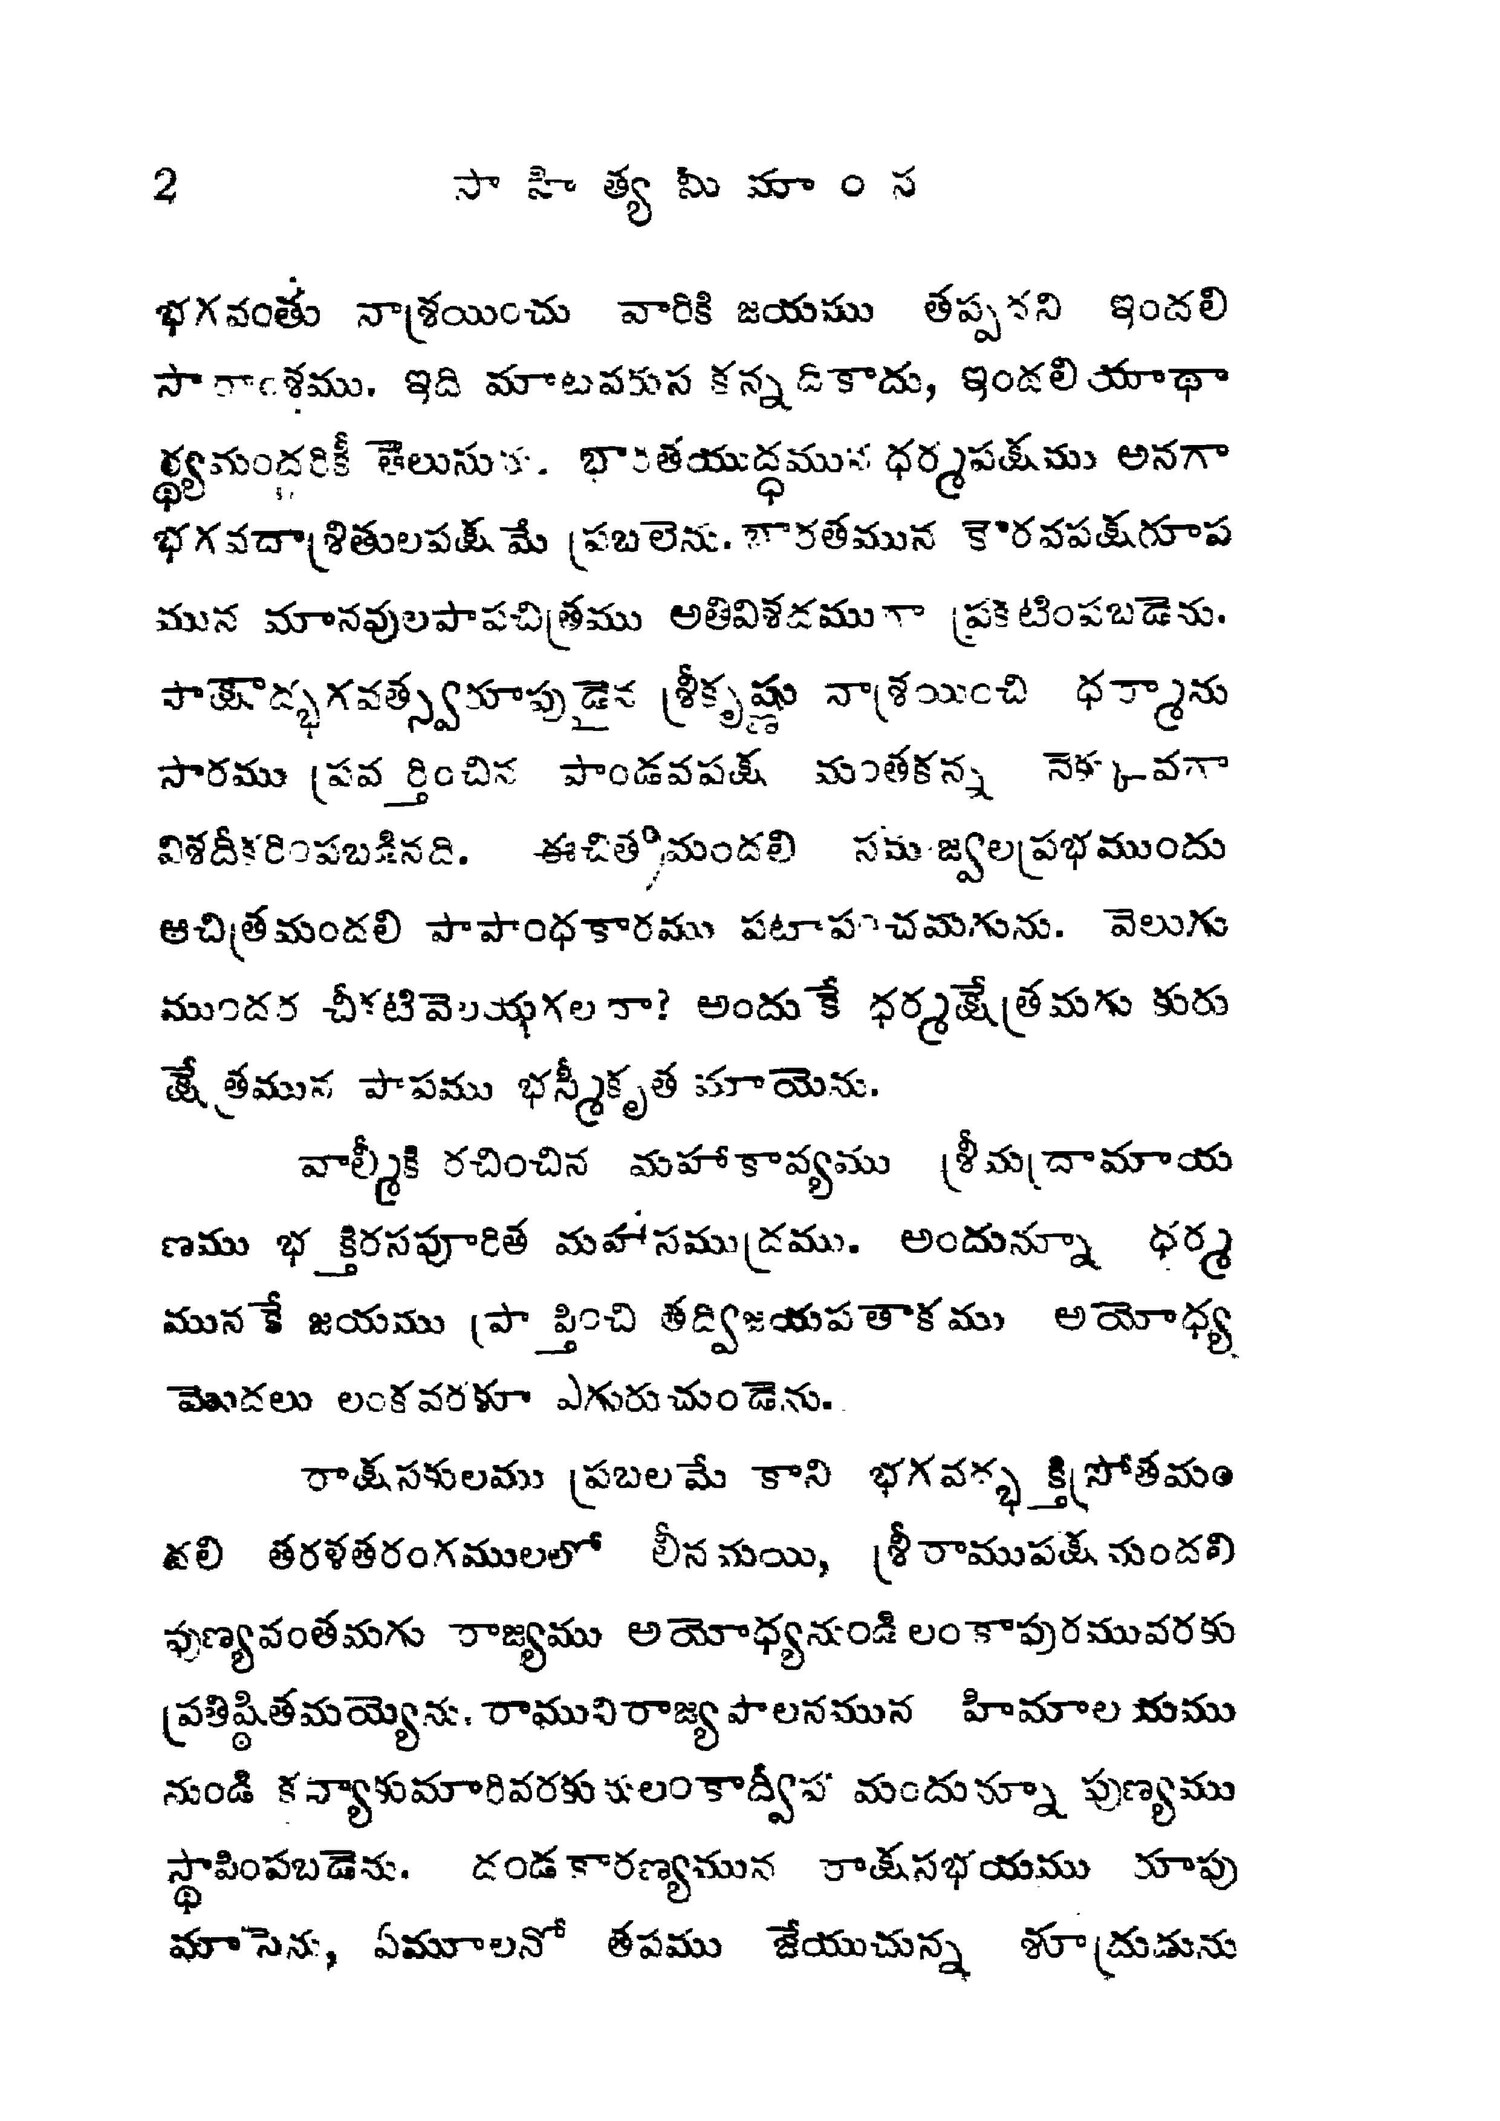భగవంతు నాశ్రయించు వారికి జయము తప్పదని ఇందలి సారాంశము. ఇది మాటవరుస కన్నదికాదు, ఇందలి యాథార్థ్యమందరికీ తెలుసును. భారతయుద్ధమున ధర్మపక్షము అనగా భగవదాశ్రితులపక్షమే ప్రబలెను. భారతమున కౌరవపక్షరూపమున మానవులపాపచిత్రము అతివిశదముగా ప్రకటింపబడెను. సాక్షాద్భగవత్స్వరూపుడైన శ్రీకృష్ణు నాశ్రయించి ధర్మానుసారము ప్రవర్తించిన పాండవపక్ష మంతకన్న నెక్కువగా విశదీకరింపబడినది. ఈచిత్రమందలి సమజ్వలప్రభముందు ఆచిత్రమందలి పాపాంధకారము పటాపంచమగును. వెలుగు ముందర చీకటివెలయగలదా? అందుకే ధర్మక్షేత్రమగు కురుక్షేత్రమున పాపము భస్మీకృత మాయెను.

వాల్మీకి రచించిన మహాకావ్యము శ్రీమద్రామాయణము భక్తిరసపూరిత మహాసముద్రము. అందున్నూ ధర్మమునకే జయము ప్రాప్తించి తద్విజయపతాకము అయోధ్య మొదలు లంకవరకూ ఎగురుచుండెను.

రాక్షసకులము ప్రబలమే కాని భగవద్భక్తిస్రోతమందలి తరళతరంగములలో లీనమయి, శ్రీరాముపక్ష మందలి పుణ్యవంతమగు రాజ్యము అయోధ్యనుండి లంకాపురమువరకు ప్రతిష్ఠితమయ్యెను. రామునిరాజ్య పాలనమున హిమాలయము నుండి కన్యాకుమారివరకును లంకాద్వీప మందున్నూ పుణ్యము స్థాపింపబడెను. దండకారణ్యమున రాక్షసభయము రూపు మాపెను, ఏమూలనో తపము జేయుచున్న శూద్రుడును